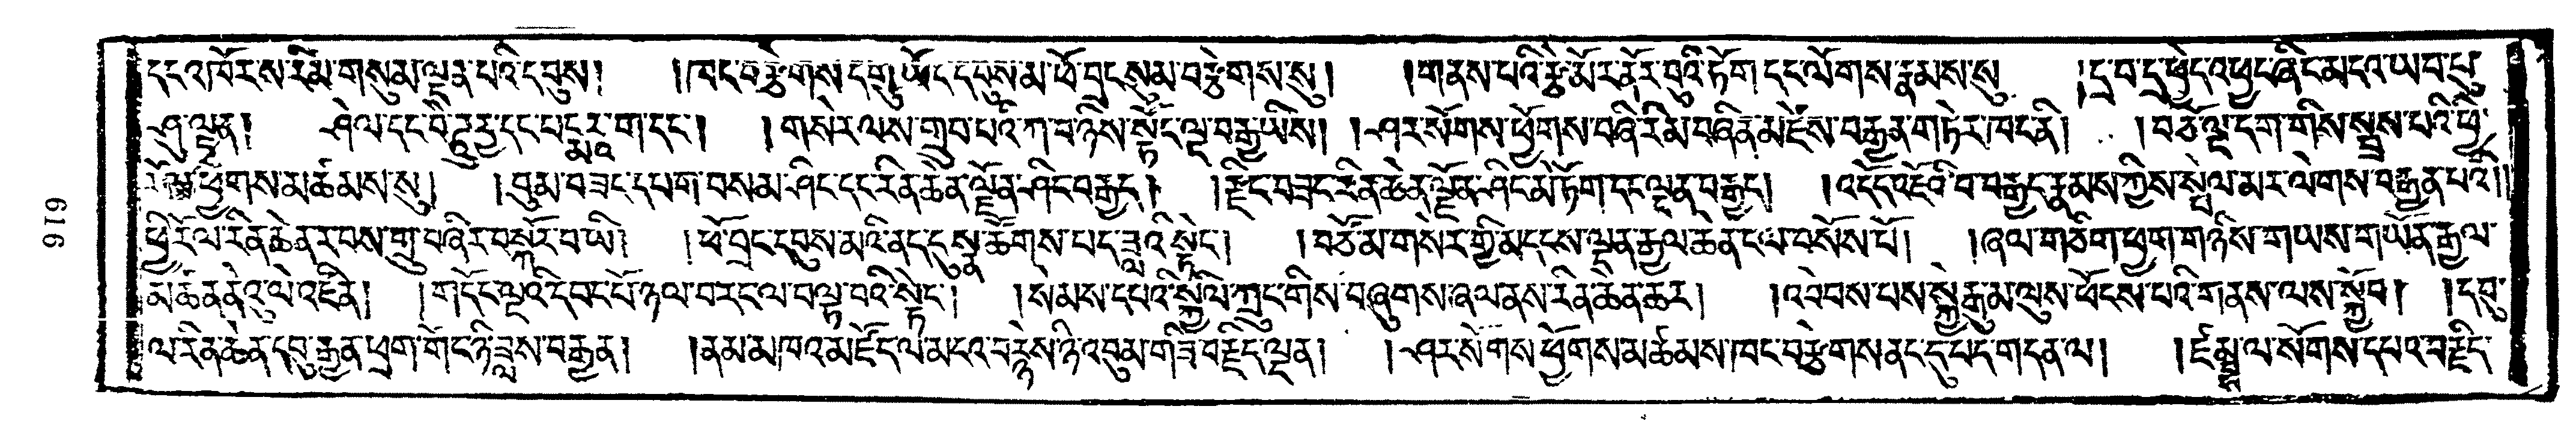དང་འཁོར་ས་རིམ་གསུམ་ལྡན་པའི་དབུས། །ཁང་བརྩེགས་དགུ་ཡོང་དབུས་མ་ཕོ་བྲང་སུམ་བརྩེགས་སུ། །གནས་པའི་རྩེ་མོར་ནོར་བུའི་ཏོག་དང་ལོགས་རྣམས་སུ་།དྲ་བ་དྲ་ཕྱེད་འཕྱང་ཞིང་མངའ་ཡབ་པུ་
ཤུ་ལྡན། ཤེལ་དང་བཻ་ཌཱུརྱ་དང་པདམ་རཱ་ག་དང་། །གསེར་ལས་གྲུབ་པའི་ཀ་བ་ཉིས་སྟོང་ལྔ་བརྒྱ་ཡིས། །ཤར་སོགས་ཕྱོགས་བཞི་རིམ་བཞིན་མཛེས་བརྒྱན་གཏེར་ཁང་ནི། །བཅོ་ལྔ་དག་གིས་སྦྲས་པའི་ཕྱི་
རོལ་ཕྱོགས་མཚམས་སུ། །བུམ་བཟང་དཔག་བསམ་ཤིང་དང་རིན་ཆེན་ལྗོན་ཤིང་བརྒྱད། །རྫིང་བཟང་རིན་ཆེན་ལྗོན་ཤིང་མེ་ཏོག་དང་ལྡན་བརྒྱད། །འདོད་འཇོའི་བ་བརྒྱད་རྣམས་ཀྱིས་སྤེལ་མར་ལེགས་བརྒྱན་པའི།།
ཕྱི་རོལ་རིན་ཆེན་ར་བས་གྲུ་བཞིར་བསྐོར་བ་ཡི། །ཕོ་བྲང་དབུས་མའི་ནང་དུ་སྣ་ཚོགས་པད་ཟླའི་སྟེང་། །བཙོ་མ་གསེར་གྱི་མདངས་ལྡན་རྒྱལ་ཆེན་ངལ་བསོས་པོ། །ཞལ་གཅིག་ཕྱག་གཉིས་གཡས་གཡོན་རྒྱལ་
མཚན་ནེའུ་ལེ་འཛིན། །གདོང་ལྔའི་དབང་པོ་ཉལ་བ་རང་ལ་བལྟ་བའི་སྟེང་། །སེམས་དཔའི་སྐྱིལ་ཀྲུང་གིས་བཞུགས་ཞལ་ནས་རིན་ཆེན་ཆར། །འབེབས་པས་སྐྱེ་རྒུ་མ་ལུས་ཕོངས་པའི་གནས་ལས་སྐྱོབ། །དབུ་
ལ་རིན་ཆེན་དབུ་རྒྱན་ཕྲག་གོང་ཉི་ཟླས་བརྒྱན། །ནམ་མཁའ་མཛོད་ལ་མངའ་བརྙེས་ཉི་འབུམ་གཟི་བརྗིད་ལྡན། །ཤར་སོགས་ཕྱོགས་མཚམས་ཁང་བརྩེགས་ནང་དུ་པད་གདན་ལ། །ཛམྦྷ་ལ་སོགས་དཔའ་བརྗིད་